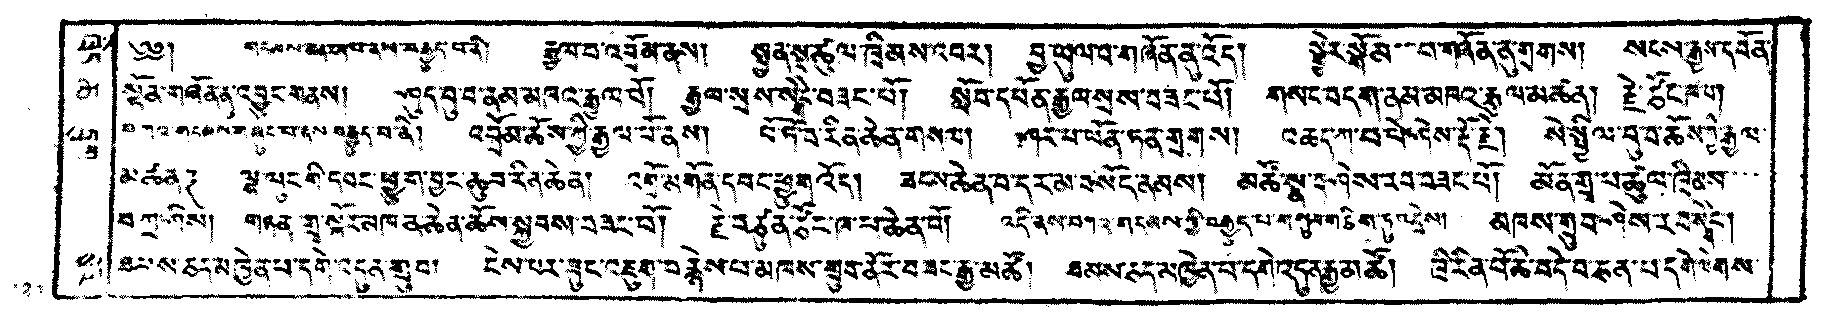༄༅། ། གདམས་མན་ངག་པ་ནས་བརྒྱུད་པ་ནི།  རྒྱལ་བ་འབྲོམ་ནས། སྤྱན་སྔ་ཚུལ་ཁྲིམས་འབར། བྱ་ཡུལ་བ་གཞོན་ནུ་འོད། སྒྱེར་སྒོམ་པ་གཞོན་ནུ་གྲགས། སངས་རྒྱས་དབོན་
སྟོན་གཞོན་ནུ་འབྱུང་གནས། ཤུད་བུ་བ་ནམ་མཁའ་རྒྱལ་པོ། རྒྱལ་སྲས་སེངྒེ་བཟང་པོ། སློབ་དཔོན་རྒྱལ་སྲས་བཟང་པོ། གསང་བདག་ནམ་མཁའ་རྒྱལ་མཚན། རྗེ་ཙོང་ཁ་པ།
བཀའ་གདམས་གཞུང་པ་ནས་བརྒྱུད་པ་ནི།  འབྲོམ་ཆོས་ཀྱི་རྒྱལ་པོ་ནས། པོ་ཏོ་བ་རིན་ཆེན་གསལ། ཤར་པ་ཡོན་ཏན་གྲགས། འཆད་ཀ་བ་ཡེ་ཤེས་རྡོ་རྗེ། སེ་སྤྱིལ་བུ་བ་ཆོས་ཀྱི་རྒྱལ་
མཚན༑ ལྷ་ལུང་གི་དབང་ཕྱུག་བྱང་ཆུབ་རིན་ཆེན། འགྲོ་མགོན་དབང་ཕྱུག་འོད། ཟངས་ཆེན་བ་དར་མ་བསོད་ནམས། མཚོ་སྣ་བ་ཤེས་རབ་བཟང་པོ། མོན་གྲྭ་པ་ཚུལ་ཁྲིམས་
བཀྲ་ཤིས། གཉན་གྲྭ་སྐོར་མཁན་ཆེན་ཆོས་སྐྱབས་བཟང་པོ། རྗེ་བཙུན་ཙོང་ཁ་པ་ཆེན་པོ། འདི་ནས་བཀའ་གདམས་ཀྱི་བརྒྱུད་པ་གསུམ་གཅིག་ཏུ་འདྲེས།  མཁས་གྲུབ་ཤེས་རབ་སེངྒེ།
ཐམས་ཅད་མཁྱེན་པ་དགེ་འདུན་གྲུབ། ངེས་པར་ཟུང་འཇུག་བརྙེས་པ་མཁས་གྲུབ་ནོར་བཟང་རྒྱ་མཚོ། ཐམས་ཅད་མཁྱེན་པ་དགེ་འདུན་རྒྱ་མཚོ། ཁྲི་རིན་པོ་ཆེ་བདེ་བ་ཅན་པ་དགེ་ལེགས་